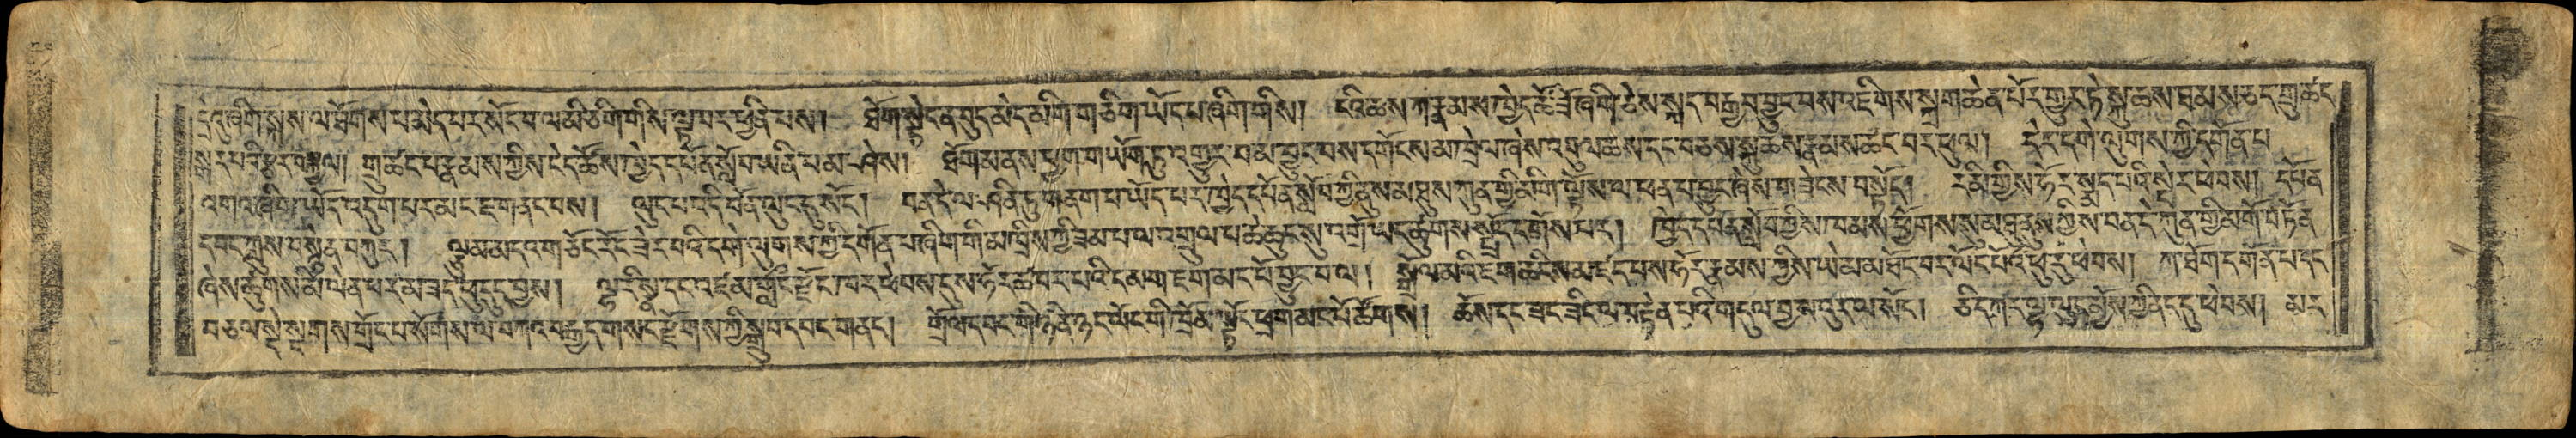དྲེའུ་ཞིག་སྐས་ལ་ཐོགས་པ་མེད་པར་སོང་བ་ལ་མི་ཅིག་གིས་ལྟ་བར་ཕྱིན་པས། ཐོག་སྟེང་ན་བུད་མེད་མིག་གཅིག་ཡོད་པ་ཞིག་གིས། ངའི་ཆས་ཀ་རྣམས་ཁྱེད་ཚོ་ཟོ་ཞིག་ཅེས་སྐད་བརྒྱབ་བྱུང་བས་འཇིགས་སྐྲག་ཆེན་པོར་གྱུར་ཏེ་སྐུ་ཆས་ཐམས་ཅད་གྲུ་ཆང་
སྒར་པའི་རྩར་བསྐྱལ། གྲུ་ཚང་པ་རྣམས་ཀྱིས་ངེད་ཚོས་ཁྱེད་དཔོན་སློབ་ཡིན་པ་མ་ཤེས། ཐོག་མ་ནས་ཕྱག་གཡོག་ཏུ་འགྱུར་བ་མ་བྱུང་བས་དགོངས་མ་ཁྲེལ་ཞེས་འབུལ་ཆས་དང་བཅས་སྐུ་ཚེས་རྣམས་ཚང་བར་ཕུལ། དེར་དགེ་ལུགས་ཀྱི་དགོན་པ་
འགའ་ཞིག་ཡོད་འདུག་པར་མང་ཇ་གནང་བས། ལུང་པ་འདི་བོན་ལུང་དུ་སོང་། བོན་རེལ་ཤིན་ཏུ་གནག་པ་ཡོད་པར་ཁྱེད་དཔོན་སློབ་ཀྱི་ནུས་མཐུས་ཀུན་གྱི་མིག་ལྟོས་ལ་ཕན་པ་བྱུང་ཞས་གཟེངས་བསྟོད། རིམ་གྱིས་ཧོར་སྨད་པའི་སྡེར་ཕེབས། དཔོན་
དབང་ཀླུས་བསྙེན་བཀུར། ལྕུམ་མདའ་གཅོང་རོང་ཟེར་བའི་དགེ་ལུགས་ཀྱི་དགོན་པ་ཞིག་གི་མཁྲིས་ཀྱི་ཟམ་པ་ལ་འགྲུལ་པ་ཆེ་ཆུང་སུ་འགྲོ་ཡང་ཚུགས་སྤྲོད་དགོས་པར། ཁྱད་དཔོན་སློབ་ཀྱིས་ཁམས་ཕྱོགས་སུ་མཐུ་ནུས་ཀྱིས་བན་དེ་ཀུན་གྱི་མགོ་བཏོན་
ཞེས་ཚུགས་མི་ལེན་པར་མ་ཟད་ཕུ་དུད་བྱས། ལྷ་ར་སྣ་དང་འཛམ་གླྀང་རྫོང་ཁར་ཕེབས་དུས་ཧོར་ཚ་བར་པའི་དམག་ཇག་མང་པོ་བྱུང་བ་ལ། སྒྲོལ་མའི་ཇག་ཆིངས་མཛད་པས་ཧོར་རྣམས་ཀྱིས་ཡེ་མ་མཐོང་བར་ལོང་པོཨཱྀ་ཕུ་རུ་ཕེབས། ཀ་ཐོག་དགོན་པ་དང་
བཅལ་སྡེ་སྔགས་གྲོང་པ་སོགས་ལ་བཀའ་བརྒྱད་གསང་རྫོགས་ཀྱི་སྒྲུབ་དབང་གནང་། གྲོལ་དབང་གི་ཉིན་ཉང་ལང་གི་ཁྲོམ་སྟོང་ཕྲག་མང་པ་ཆགས། ཆོས་དང་ཟང་ཟིང་ལ་བརྟེན་པའི་གདུལ་བྱས་འུར་ལ་སོང་། ཅི་དཀར་ལྷ་ལུང་མྱོས་ཀྱི་ནང་དུ་ཕེབས། མར་